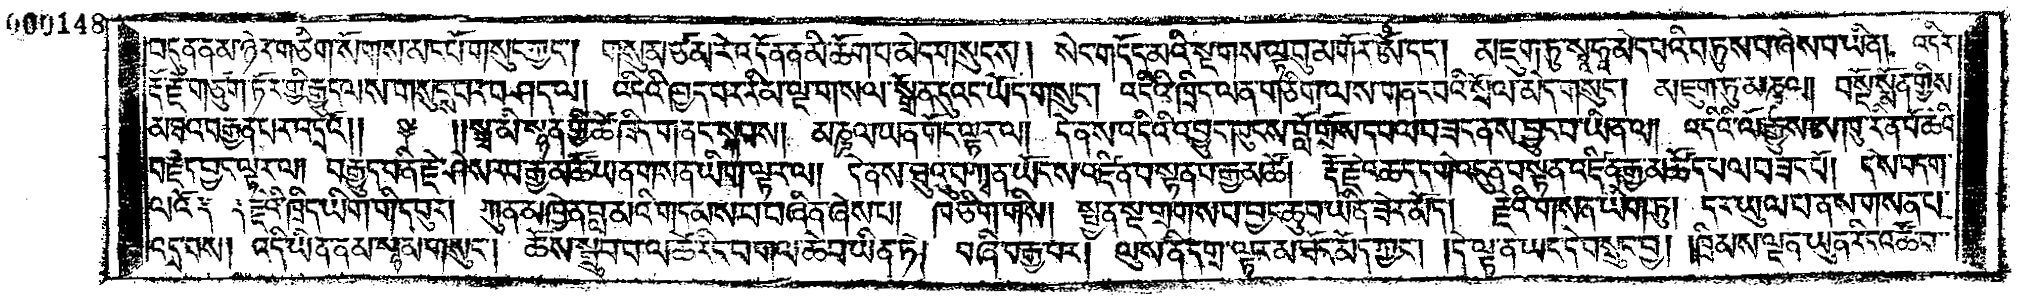བདུན་ནམ་ཉེར་གཅིག་སོགས་མང་པོ་གསུང་ཀྱང་། གསུམ་ཙམ་རེ་འདོན་ན་མི་ཆོག་པ་མེད་གསུངས། སེང་གདོང་མའི་སྔགས་ལྟ་བུ་མགོར་ཨོཾ་དང་། མཇུག་ཏུ་སྭཱཧཱ་མེད་པའི་བཏུས་པ་ཞེས་པ་ཡིན། འདིར་
རྡོ་རྗེ་གཙུག་ཏོར་གྱི་རྒྱུད་ལས་གསུངས་བར་བཤད་ལ། འདིའི་ཁྱད་པར་རིམ་ལྔ་གསལ་སྒྲོན་དུའང་ཡོད་གསུང་། འདིའི་ཁྲིད་ལན་གཅིག་ལས་གནང་བའི་སྲོལ་མེད་གསུང་། མཇུག་ཏུ་མཎྜལ། བསྔོ་སྨོན་གྱིས་
མཐའ་བརྒྱན་པར་འདྲའོ།། ༈ །།སྒྲ་མི་སྙན་གྱི་ཚེ་ཁྲིད་གནང་སྐབས། མཎྜལ་ཡན་གོང་ལྟར་ལ། དེ་ནས་འདིའི་འབྱུང་ཁུངས་བློ་གྲོས་དཔལ་བཟང་ནས་བྱུང་བ་ཡིན་ལ། འདིའི་ལོ་རྒྱུས་ཨ་ཁུ་རིན་པོ་ཆེའི་
བརྗེད་བྱང་ལྟར་ལ། བརྒྱུད་པ་ནི་རྗེ་ཤེས་རབ་རྒྱ་མཚོ་ཡན་གསན་ཡིག་ལྟར་ལ། དེ་ནས་ཐུའུ་བཀྭན་ཡོངས་འཛིན་བསྟན་པ་རྒྱ་མཚོ། རྡོ་རྗེ་འཆང་དགེ་འདུན་བསྟན་འཛིན་རྒྱ་མཚོ་དཔལ་བཟང་པོ། དེས་བདག་
ལའོ༑ ༑རྗེའི་ཁྲིད་ཡིག་གི་དབུར། ཀུན་མཁྱེན་བླ་མའི་གདམས་པ་བཞིན་ཞེས་པ། ཁ་ཅིག་གིས། སྤྱན་སྔ་གྲགས་པ་བྱང་ཆུབ་ཡིན་ཟེར་མོད། རྗེའི་གསན་ཡིག་ཏུ། དར་ཡུལ་པ་ནས་གསན་པ་
འདྲ་བས། འདི་ཡིན་ནམ་སྙམ་གསུང་། ཆོས་སྒྲུབ་པ་ལ་ཚེ་རིང་བ་གལ་ཆེ་བ་ཡིན་ཏེ། བཞི་བརྒྱ་པར། ལུས་ནི་དགྲ་ལྟར་མཐོང་མོད་ཀྱང་། །དེ་ལྟ་ན་ཡང་དེ་བསྲུང་བྱ། །ཁྲིམས་ལྡན་ཡུན་རིང་འཚོ་བ་